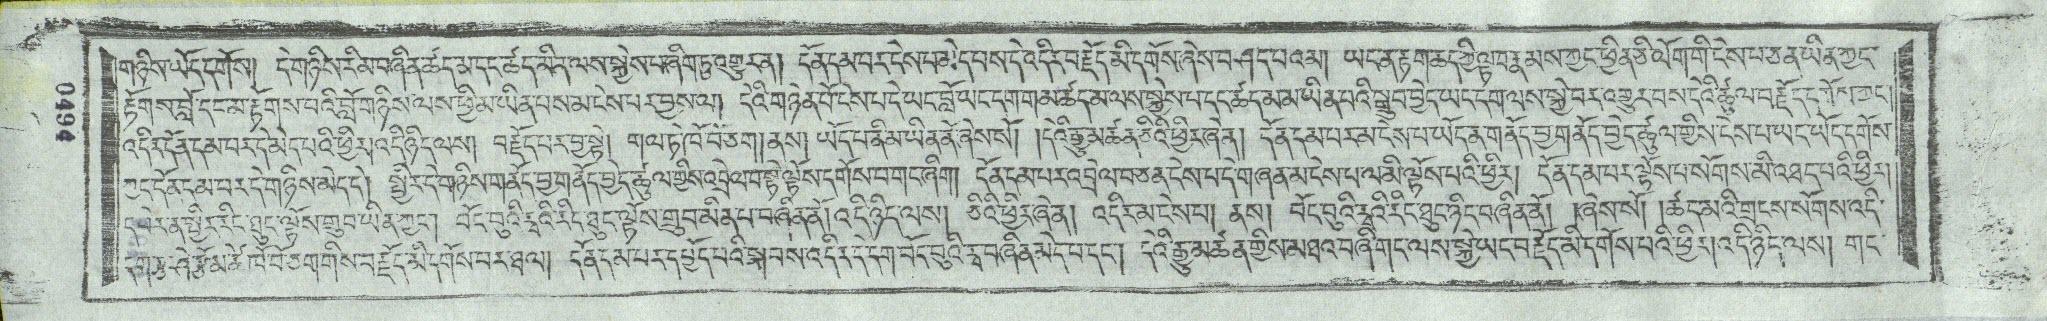གཉིས་ཡོད་དགོས། དེ་གཉིས་རིམ་བཞིན་ཚད་མ་དང་ཚད་མིན་ལས་སྐྱེས་པ་ཞིག་ཏུ་འགྱུར་ན། དོན་དམ་པར་ངེས་པ་མེད་པས་དེ་འདིར་བརྗོད་མི་དགོས་ཞེས་བཤད་པའམ། ཡང་ན་རྟག་ཆད་ཀྱི་ལྟ་བ་རྣམས་ཀྱང་ཕྱིན་ཅི་ལོག་གི་ངེས་པ་ཅན་ཡིན་ཀྱང་
རྟོགས་བློ་དང་མ་རྟོགས་པའི་བློ་གཉིས་ལས་ཕྱི་མ་ཡིན་པས་མ་ངེས་པར་བྱས་ལ། དེའི་གཉེན་པོ་ངེས་པ་དེ་ཡང་བློ་ཡང་དག་གམ་ཚད་མ་ལས་སྐྱེས་པ་དང་ཚད་མ་མ་ཡིན་པའི་སྒྲུབ་བྱེད་ཡང་དག་ལས་སྐྱེ་བར་འགྱུར་བས་དེའི་ཚུལ་བརྗོད་དགོས་ཀྱང་
འདིར་དོན་དམ་པར་དེ་མེད་པའི་ཕྱིར། འདི་ཉིད་ལས། བརྗོད་པར་བྱ་སྟེ། གལ་ཏེ་ཁོ་བོ་ཅག། ནས། ཡོད་པ་ནི་མ་ཡིན་ནོ་ཞེས་སོ། །དེའི་རྒྱུ་མཚན་ཅིའི་ཕྱིར་ཞེ་ན། དོན་དམ་པར་མ་ངེས་པ་ཡོད་ན་གནོད་བྱ་གནོད་བྱེད་ཚུལ་གྱིས་ངེས་པ་ཡང་ཡོད་དགོས་
ཀྱང་དོན་དམ་པར་དེ་གཉིས་མེད་དེ། སྤྱིར་དེ་གཉིས་གནོད་བྱ་གནོད་བྱེད་ཚུལ་གྱིས་འབྲེལ་བ་སྟེ་ལྟོས་དགོས་པ་གང་ཞིག། དོན་དམ་པར་འབྲེལ་བ་ཅན་ངེས་པ་དེ་གཞན་མ་ངེས་པ་ལ་མི་ལྟོས་པའི་ཕྱིར། དོན་དམ་པར་ལྟོས་པ་སོགས་མི་འཐད་པའི་ཕྱིར།
དཔེར་ན་སྤྱིར་རིང་ཐུང་ལྟོས་གྲུབ་ཡིན་ཀྱང་། བོང་བུའི་རྭའི་རིང་ཐུང་ལྟོས་གྲུབ་མིན་པ་བཞིན་ནོ། འདི་ཉིད་ལས། ཅིའི་ཕྱིར་ཞེ་ན། འདིར་མ་ངེས་པ། ནས། བོང་བུའི་རྭའི་རིང་ཐུང་ཉིད་བཞིན་ནོ། །ཞེས་སོ། །ཚད་མའི་གྲངས་སོགས་འདི་
དག་རྩ་ཤེ་རྩོམ་ཚེ་ཁོ་བོ་ཅག་གིས་བརྗོད་མི་དགོས་པར་ཐལ། དོན་དམ་པར་དཔྱོད་པའི་སྐབས་འདིར་དེ་དག་བོང་བུའི་རྭ་བཞིན་མེད་པ་དང་། དེའི་རྒྱུ་མཚན་གྱིས་མཐའ་བཞི་གང་ལས་སྐྱེ་ཡང་བརྗོད་མི་དགོས་པའི་ཕྱིར། འདི་ཉིད་ལས། གང་